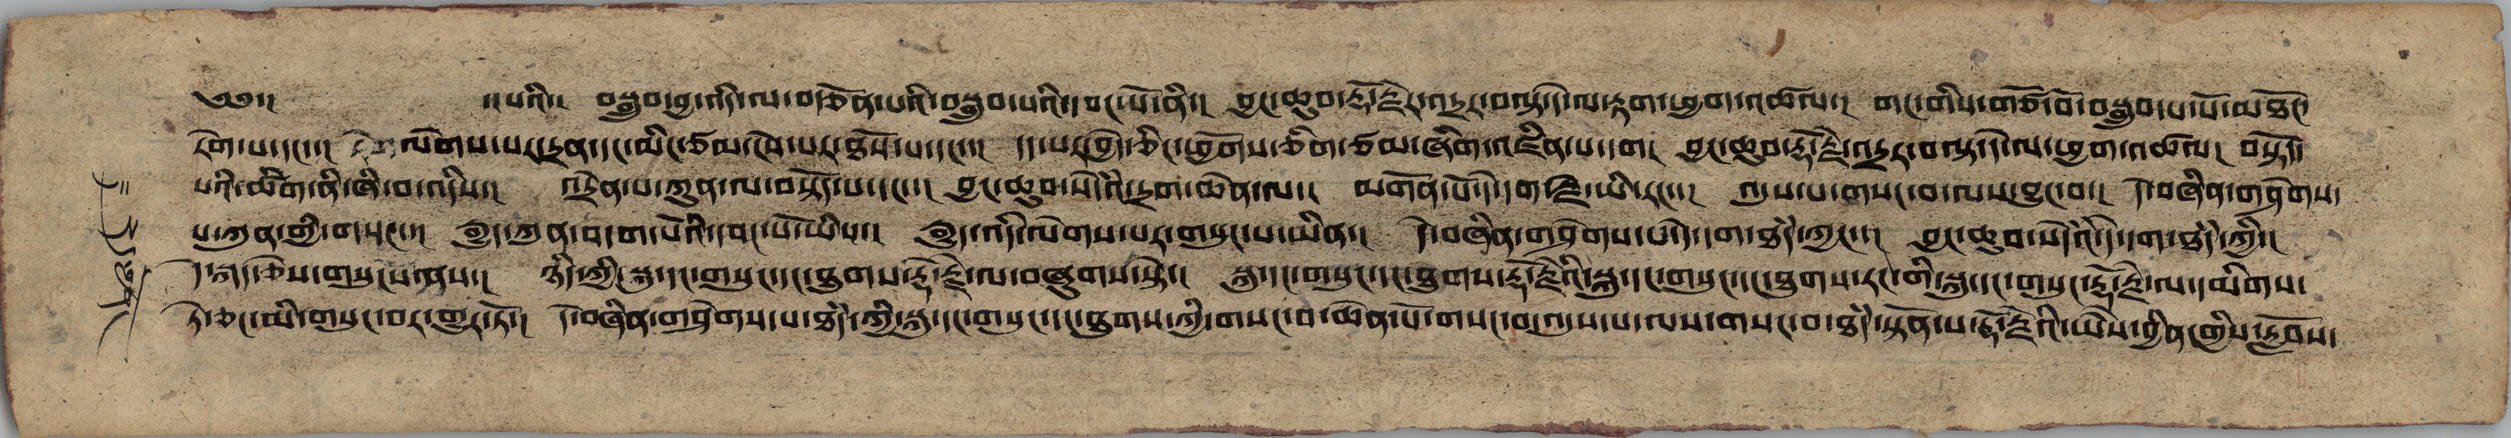༄༅་། ་།པའི་་ བསྒྲུབ་བྱ་འདི་ལ་བརྩོན་པའི་བསྒྲུབ་པའི་དབང་པོ་ནི་། བྱང་ཆུབ་རྡོ་རྗེར་འདྲར་བལྟ་དེ་ལ་རྟག་ཕྱག་འཚལ་། གང་གིས་གཙོ་བོ་བསྒྲུབ་པ་པོ་མཐོང་
རེག་པ་དང་། ལེགས་པར་དྲན་དང་མིང་ཙམ་ངེས་པར་ཐོས་པ་དང་་། དད་པར་བྱེད་ཅིང་ཕྱོགས་ཅིག་ཙམ་ཞིག་འཛིན་པ་དག། བྱང་ཆུབ་རྡོ་རྗེ་འདྲར་བལྟ་དེ་ལ་ཕྱག་འཚལ། བསྟོད་
པའི་ཚིག་ནི་ཞི་བ་འདིས་། འདྲེན་པ་ཀུན་ལ་བསྟོད་པ་དང་། བྱང་ཆུབ་སེདཾའ་དྲག་ཆེན་ལ་། མགོན་པོ་དེ་དག་རྗེ་ཡི་རང་་། འདུས་པ་གསང་བ་ལས་བྱུང་བ་། དེ་བཞིན་གཤེགས་
པ་ཀུན་གྱི་གསང་་། རྒྱུད་ཀུན་བདག་པོའི་དབང་པོ་ཡིས་། རྒྱུད་འདི་ལེགས་པར་གསུང་པ་ཡིན་། དེ་བཞིན་གཤེགས་པ་དེ་དག་ཐདཾ་ཀྱང་་། བྱང་ཆུབ་སེདཾའ་དེ་དག་ཐདཾ་ཀྱི་།
དེ་སྐད་ཅེས་གསུངས་ནས་། ཉིད་ཀྱི་སྐུ་དང་གསུང་དང་ཐུགས་རྡོ་རྗེ་ལ་བཞུགས་སྟེ་། སྐུ་དང་གསུང་དང་ཐུགས་རྡོ་རྗེའི་སྐུ་དང་གསུང་དང་ཐུགས་རང་གི་སྐུ་དང་གསུང་རྡོ་རྗེ་ལ་དམིགས་
ཏེ་ཅང་མི་གསུང་བར་གྱུར་ཏོ་། དེ་བཞིན་གཤེགས་པ་ཐདཾ་ཀྱི་སྐུ་དང་གསུང་དང་ཐུགས་ཀྱི་གསང་བ་ཆེན་པོ་གསང་བ་འདུས་པ་ལས་གསང་བ་ཐདཾ་སྟོན་པ་རྡོ་རྗེའི་ཡཻས་བྱིན་གྱིས་རློབས་